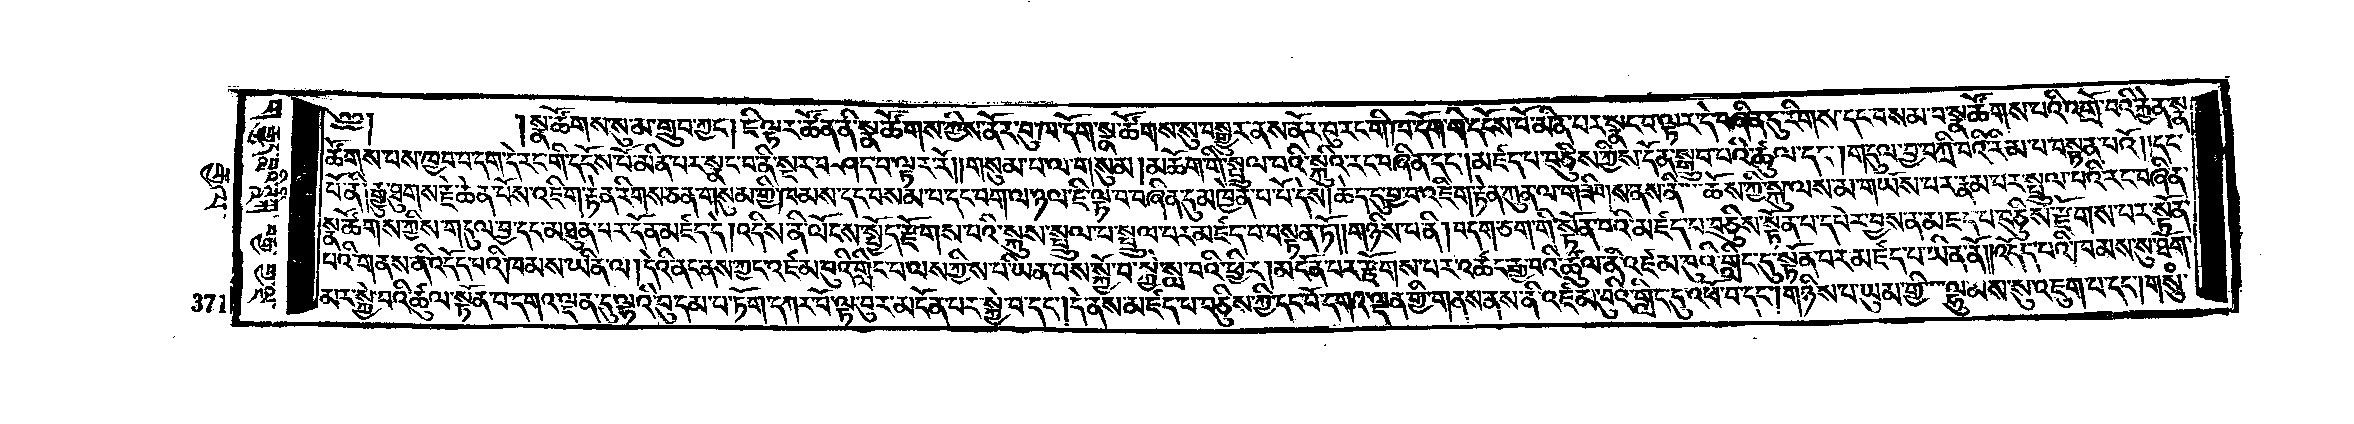༄༅། །སྣ་ཚོགས་སུ་མ་གྲུབ་ཀྱང་། ཇི་ལྟར་ཚོན་ནི་སྣ་ཚོགས་ཀྱིས་ནོར་བུ་ཁ་དོག་སྣ་ཚོགས་སུ་བསྒྱུར་ནས་ནོར་བུ་རང་གི་ཁ་དོག་གི་དངོས་པོ་མིན་པར་སྣང་བ་ལྟར་དེ་བཞིན་དུ་རིགས་དང་བསམ་པ་སྣ་ཚོགས་པའི་འགྲོ་བའི་རྐྱེན་སྣ་
ཚོགས་པས་ཁྱབ་པ་དག་དེ་རང་གི་དངོས་པོ་མིན་པར་སྣང་བ་ནི་སྔར་བཤད་པ་ལྟར་རོ། །གསུམ་པ་ལ་གསུམ། ཆོག་གི་སྤྲུལ་པའི་སྐུའི་རང་བཞིན་དང་། མཛད་པ་བཅུ་གཉིས་ཀྱིས་དོན་སྒྲུབ་པའི་ཚུལ་དང་། གདུལ་བྱ་བཀྲི་བའི་རིམ་པ་བསྟན་པའོ། །དང་
པོ་ནི། རྒྱུ་ཐུགས་རྗེ་ཆེན་པོས་འཇིག་རྟེན་རིགས་ཅན་གསུམ་གྱི་ཁམས་དང་བསམ་པ་དང་བག་ལ་ཉལ་ཇི་ལྟ་བ་བཞིན་དུ་མཁྱེན་པ་པོ་དེས། ཆེད་དུ་བྱ་བ་འཇིག་རྟེན་ཀུན་ལ་གཟིགས་ནས་ནི་ཆོས་ཀྱི་སྐུ་ལས་མ་གཡོས་པར་རྣམ་པར་སྤྲུལ་པའི་རང་བཞིན་
སྣ་ཚོགས་ཀྱིས་གདུལ་བྱ་དང་མཐུན་པར་དོན་མཛད་དེ། འདིས་ནི་ལོངས་སྤྱོད་རྫོགས་པའི་སྐུས་སྤྲུལ་པ་སྤྲུལ་པར་མཛད་པ་བསྟན་ཏོ། །གཉིས་པ་ནི། བདག་ཅག་གི་སྟོན་པའི་མཛད་པ་བཅུ་གཉིས་སྟོན་པ་དཔེར་བྱས་ན་མཛད་པ་བཅུ་གཉིས་རྫོགས་པར་སྟོན་
པའི་གནས་ནི་འདོད་པའི་ཁམས་ཡིན་ལ། དེའི་ནང་ནས་ཀྱང་འཛམ་བུའི་གླིང་པ་ལས་ཀྱི་ས་པ་ཡིན་པས་སྐྱོ་བ་སྐྱེ་སླ་བའི་ཕྱིར། མངོན་པར་རྫོགས་པར་འཚང་རྒྱ་བའི་ཚུལ་ནི་འཛམ་བུའི་གླིང་དུ་སྟོན་པར་མཛད་པ་ཡིན་ནོ། །འདོད་པའི་ཁམས་སུ་ཐོག་
མར་སྐྱེ་བའི་ཚུལ་སྟོན་པ་དགའ་ལྡན་དུ་ལྷའི་བུ་དམ་པ་ཏོག་དཀར་པོ་ལྟ་བུར་མངོན་པར་སྐྱེ་བ་དང་། དེ་ནས་མཛད་པ་བཅུ་གཉིས་ཀྱི་དང་པོ་དགའ་ལྡན་གྱི་གནས་ནས་ནི་འཛམ་བུའི་གླིང་དུ་འཕོ་བ་དང་། གཉིས་པ་ཡུམ་གྱི་ལྷུམས་སུ་འཇུག་པ་དང་། གསུམ་